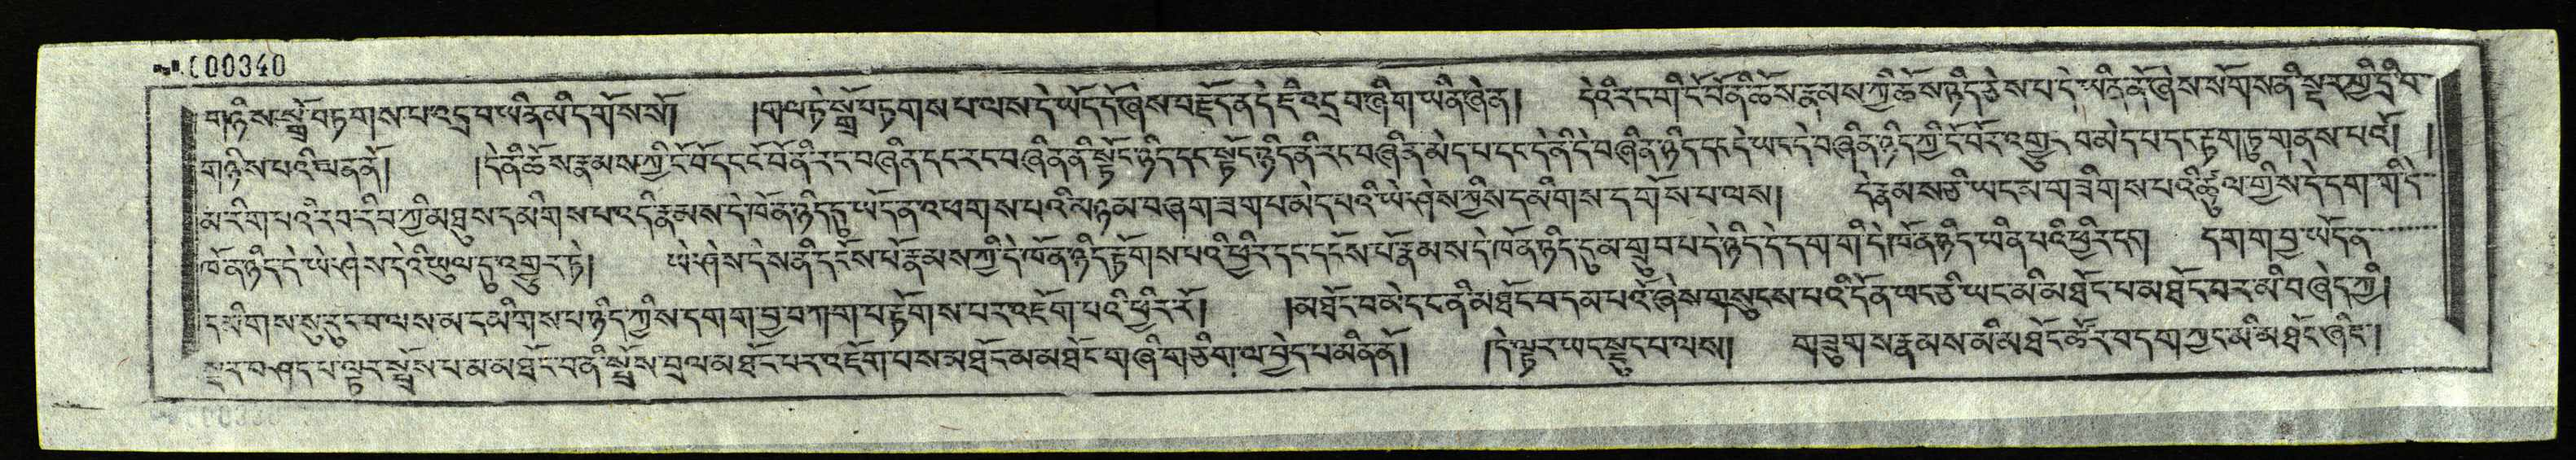གཉིས་སྒྲོ་བཏགས་པ་འདྲ་བ་ཡིན་མི་དགོས་སོ། །གལ་ཏེ་སྒྲོ་བཏགས་པ་ལས་དེ་ཡོད་དོ་ཞེས་བརྗོད་ན་དེ་ཇི་འདྲ་བ་ཞིག་ཡིན་ཞེ་ན། དེའི་རང་གི་ངོ་བོ་ནི་ཆོས་རྣམས་ཀྱི་ཆོས་ཉིད་ཅེས་པ་དེ་ཡིན་ནོ་ཞེས་སོགས་ནི་སྔར་གྱི་དྲི་བ་
གཉིས་པའི་ལན་ནོ། །དེ་ནི་ཆོས་རྣམས་ཀྱི་ངོ་བོ་དང་ངོ་བོ་ནི་རང་བཞིན་དང་རང་བཞིན་ནི་སྟོང་ཉིད་དང་སྟོང་ཉིད་ནི་རང་བཞིན་མེད་པ་དང་དེ་ནི་དེ་བཞིན་ཉིད་དང་དེ་ཡང་དེ་བཞིན་ཉིད་ཀྱི་ངོ་བོར་འགྱུར་བ་མེད་པ་དང་རྟག་ཏུ་གནས་པའོ། །
མ་རིག་པའི་རབ་རིབ་ཀྱི་མཐུས་དམིགས་པ་འདི་རྣམས་དེ་ཁོ་ན་ཉིད་དུ་ཡོད་ན་འཕགས་པའི་མཉམ་བཞག་ཟག་པ་མེད་པའི་ཡེ་ཤེས་ཀྱིས་དམིགས་དགོས་པ་ལས། དེ་རྣམས་ཅི་ཡང་མ་གཟིགས་པའི་ཚུལ་གྱིས་དེ་དག་གི་དེ་
ཁོ་ན་ཉིད་དེ་ཡེ་ཤེས་དེའི་ཡུལ་དུ་འགྱུར་ཏེ། ཡེ་ཤེས་དེས་ནི་དངོས་པོ་རྣམས་ཀྱི་དེ་ཁོ་ན་ཉིད་རྟོགས་པའི་ཕྱིར་དང་དངོས་པོ་རྣམས་དེ་ཁོ་ན་ཉིད་དུ་མ་གྲུབ་པ་དེ་ཉིད་དེ་དག་གི་དེ་ཁོ་ན་ཉིད་ཡིན་པའི་ཕྱིར་དང་། དགག་བྱ་ཡོད་ན་
དམིགས་སུ་རུང་བ་ལས་མ་དམིགས་པ་ཉིད་ཀྱིས་དགག་བྱ་བཀག་པ་རྟོགས་པར་འཇོག་པའི་ཕྱིར་རོ། །མཐོང་བ་མེད་པ་ནི་མཐོང་བ་དམ་པའོ་ཞེས་གསུངས་པའི་དོན་ཡང་ཅི་ཡང་མི་མཐོང་པ་མཐོང་བར་མི་བཞེད་ཀྱི།
སྔར་བཤད་པ་ལྟར་སྤྲོས་པ་མ་མཐོང་བ་ནི་སྤྲོས་བྲལ་མཐོང་པར་འཇོག་པས་མཐོང་མ་མཐོང་གཞི་གཅིག་ལ་བྱེད་པ་མིན་ནོ། །དེ་ལྟར་ཡང་སྡུད་པ་ལས། གཟུགས་རྣམས་མི་མཐོང་ཚོར་བ་དག་ཀྱང་མི་མཐོང་ཞིང་།